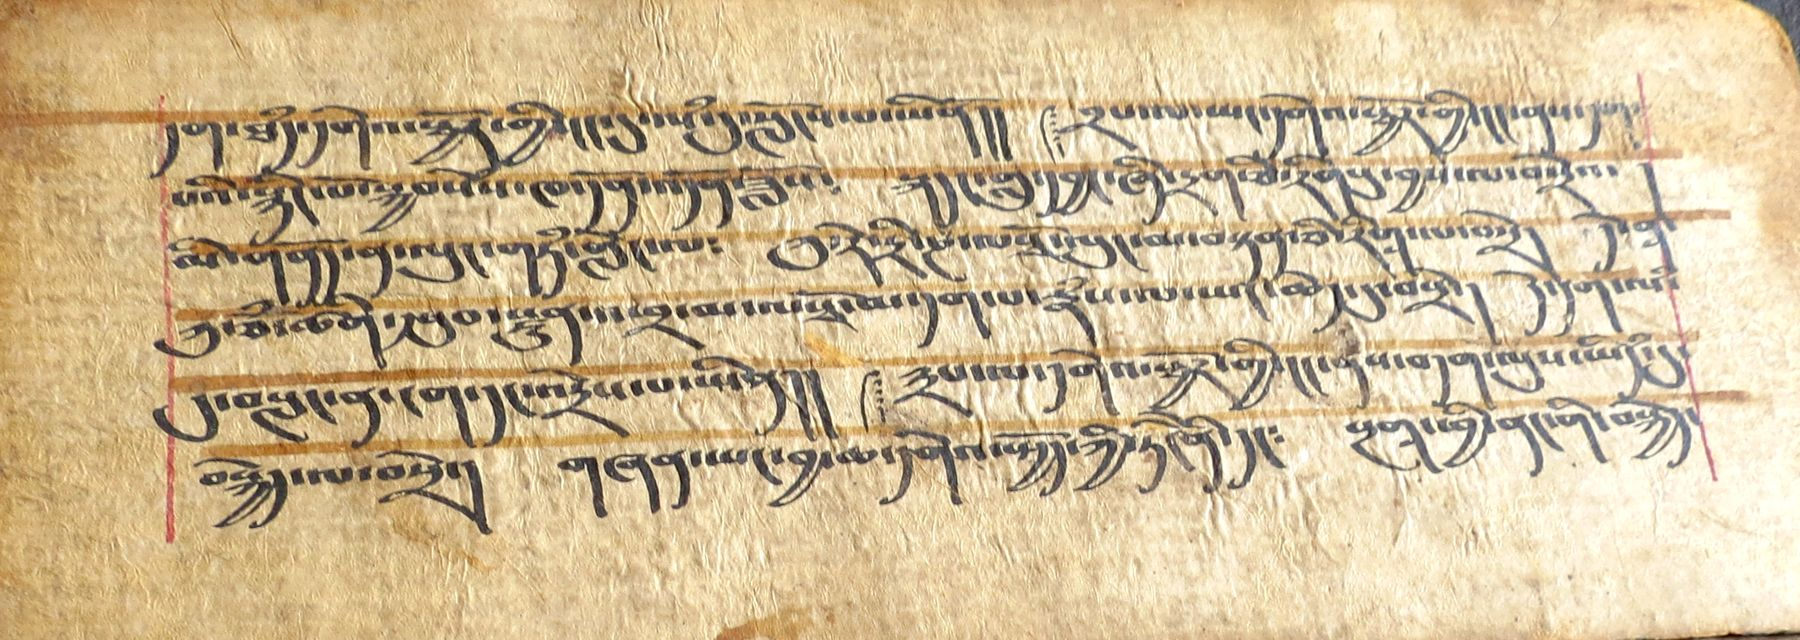དག་ཐམས་ཅད་དགེ་སྦྱོར་གྱི་ངང་དུ་ལམ་དུ་སློང་བ་ཡིན་ནོ། ། གཉིས་པ་ལ་ཡང་དགེ་སྦྱོར་ངང་ནས་དག་
པའི་སྙིང་པོ་སྐྱབས་སེམས་ཁ་ཐོན་མདོ་ཟློས། སྐད་དང་གླུ་དབྱངས་ཞི་དྲག་ཅི་རིགས་སུ་བྱས་ལ་བསྲེ། 
མི་གནོད་ན་ལོང་གཏམ་གླིང་སློང་ཀུ་རེ་དྲི་རྨེད་ལ་སོགས་ལུང་མ་བསྟན་ཅི་རིགས་ལ་བསྲེ། དེ་ནས་
ཀུ་ཅོ་ཚིག་རྩུབ་རྫུན་ཕྲ་མ་ལ་སོགས་མ་དག་པ་རྣམས་ལ་བསྲེ། དེ་དག་ཐམས་ཅད་ལམ་
དུ་སློང་ན་ངག་དང་དགེ་སྦྱོར་འདྲེས་པ་ཡིན། གསུམ་པ་ལ་དགེ་སྦྱོར་གྱི་ངང་ནས་བདག་ལུས་ཡི་དམ་དུ་
བསྐྱེད་ལ་བསྲེ། གཞན་ཡང་བྱ་ཆ་དགེ་སྤྱོད་ཀྱི། ཏིང་ངེ་འཛིན་དང་། སྔགས་ཕྱི་ནང་གི་བསྐྱེད་རིམ་